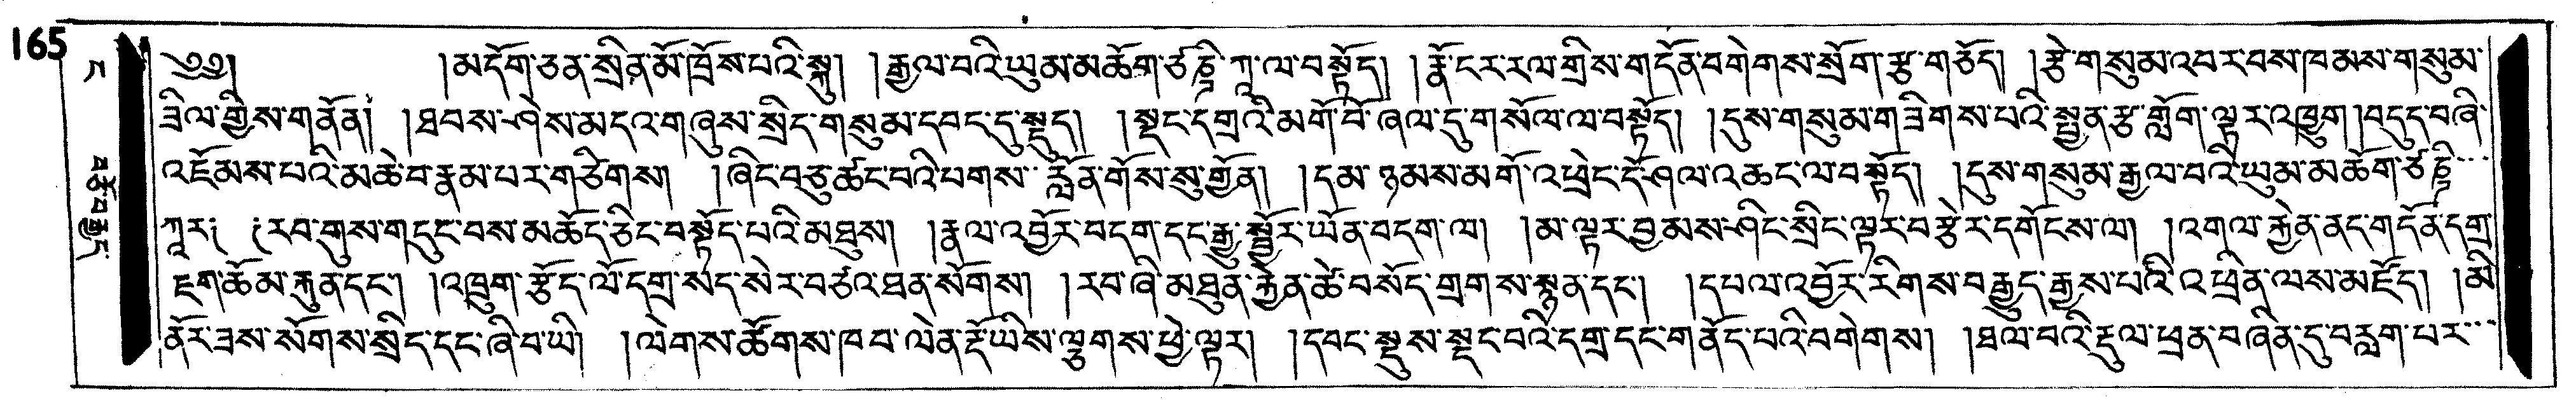༄༅། །མདོག་ཅན་སྲིན་མོ་ཁྲོས་པའི་སྐུ། །རྒྱལ་བའི་ཡུམ་མཆོག་ཙཎྜི་ཀཱ་ལ་བསྟོད། །རྣོ་ངར་རལ་གྲིས་གདོན་བགེགས་སྲོག་རྩ་གཅོད། །རྩེ་གསུམ་འབར་བས་ཁམས་གསུམ་
ཟིལ་གྱིས་གནོན། །ཐབས་ཤེས་མདའ་གཞུས་སྲིད་གསུམ་དབང་དུ་སྡུད། །སྡང་དགྲའི་མགོ་བོ་ཞལ་དུ་གསོལ་ལ་བསྟོད། །དུས་གསུམ་གཟིགས་པའི་སྤྱན་རྩ་གློག་ལྟར་འཁྱུག །བདུད་བཞི་
འཇོམས་པའི་མཆེ་བ་རྣམ་པར་གཙིགས། །ཞིང་བཅུ་ཚང་བའི་པགས་རློན་གོས་སུ་གྱོན། །དམ་ཉམས་མགོ་འཕྲེང་དོ་ཤལ་འཆང་ལ་བསྟོད། །དུས་གསུམ་རྒྱལ་བའི་ཡུམ་མཆོག་ཙཎྜི་
ཀཱར༑ ༑རབ་གུས་གདུང་བས་མཆོད་ཅིང་བསྟོད་པའི་མཐུས། །རྣལ་འབྱོར་བདག་དང་རྒྱུ་སྦྱོར་ཡོན་བདག་ལ། །མ་ལྟར་བྱམས་ཤིང་སྲིང་ལྟར་བརྩེར་དགོངས་ལ། །འགལ་རྐྱེན་ནད་གདོན་དགྲ་
ཇག་ཆོམ་རྐུན་དང་། །འཁྲུག་རྩོད་ལོ་དགྲ་སད་སེར་བཙའ་ཐན་སོགས། །རབ་ཞི་མཐུན་རྐྱེན་ཚེ་བསོད་གྲགས་སྙན་དང་། །དཔལ་འབྱོར་རིགས་བརྒྱུད་རྒྱས་པའི་འཕྲིན་ལས་མཛོད། །མི་
ནོར་ཟས་སོགས་སྲིད་དང་ཞི་བ་ཡི། །ལེགས་ཚོགས་ཁབ་ལེན་རྡོ་ཡིས་ལྕགས་ཕྱེ་ལྟར། །དབང་སྡུས་སྡང་བའི་དགྲ་དང་གནོད་པའི་བགེགས། །ཐལ་བའི་རྡུལ་ཕན་བཞིན་དུ་བརླག་པར་